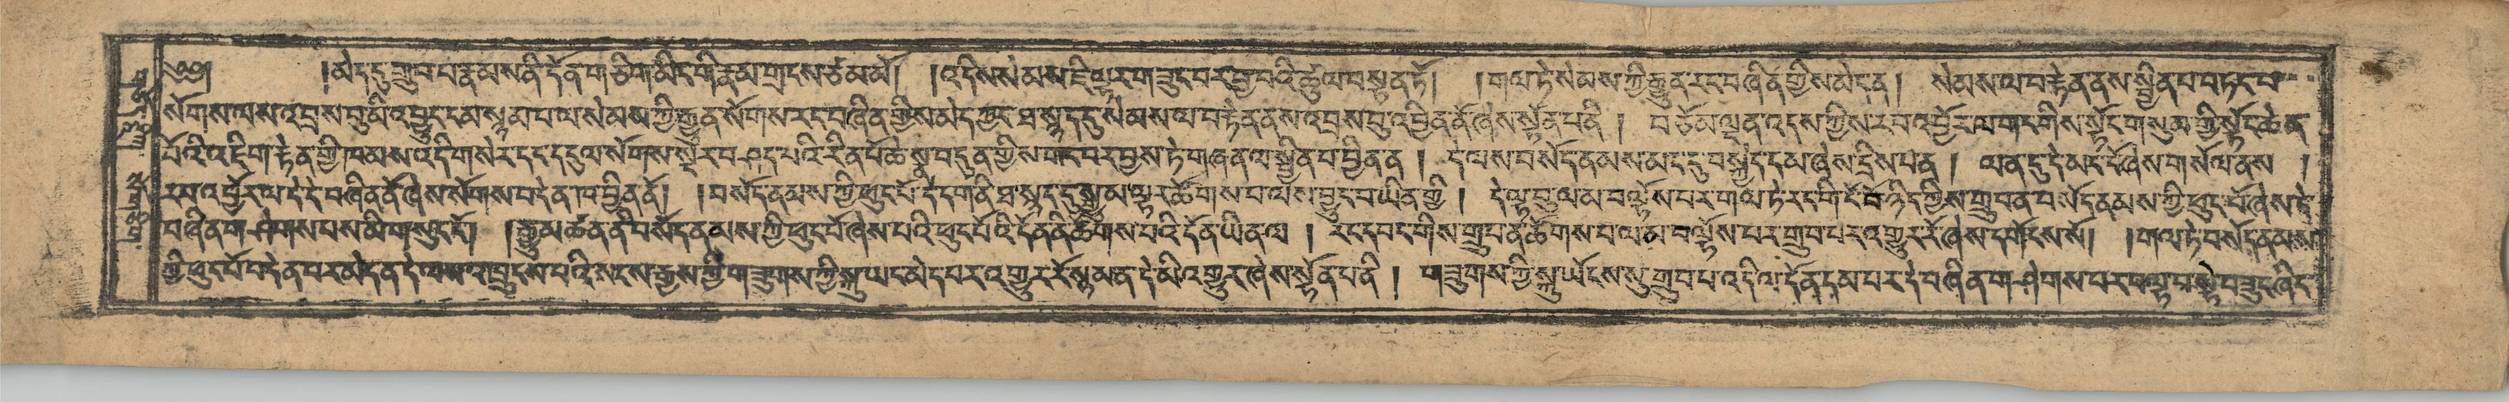༄༅། །མེད་དུ་གྲུབ་པ་རྣམས་ནི་དོན་གཅིག་མིང་གི་རྣམ་གྲངས་ཙམ་མོ། །འདིས་སེམས་ཇི་ལྟར་གཟུང་བར་བྱ་བའི་ཚུལ་བསྟན་ཏོ། །གལ་ཏེ་སེམས་གྱི་རྒྱུན་རང་བཞིན་གྱིས་མེད་ན། སེམས་ལ་བརྟེན་ནས་སྦྱིན་པ་བཏང་བ་
སོགས་ལས་འབྲས་བུ་མི་འབྱུང་ངམ་སྙམ་པ་ལ་སེམས་ཀྱི་རྒྱུན་སོགས་རང་བཞིན་གྱིས་མེད་ཀྱང་ཐ་སྙད་དུ་སེམས་ལ་བརྟེན་ནས་འབྲས་བུ་འབྱིན་ནོ་ཞེས་སྟོན་པ་ནི། བཅོམ་ལྡན་འདས་ཀྱིས་རབ་འབྱོར་ལ་གང་གིས་སྟོང་གསུམ་གྱི་སྟོང་ཆེན་
པོའི་འཇིག་རྟེན་གྱི་ཁམས་འདི་གསེར་དང་དངུལ་སོགས་སྔར་བཤད་པའི་རིན་པོ་ཆེ་སྣ་བདུན་གྱིས་གང་བར་བྱས་ཏེ་གཞན་ལ་སྦྱིན་པ་བྱིན་ན། དེ་ལས་བསོད་ནམས་མང་དུ་བསྐྱེད་དམ་ཞེས་དྲིས་པ་ན། ལན་དུ་དེ་མང་ངོ་ཞེས་གསོལ་ནས།
རབ་འབྱོར་ལ་དེ་དེ་བཞིན་ནོ་ཞེས་སོགས་བདེན་ཁ་བྱིན་ནོ། །བསོད་ནམས་ཀྱི་ཕུང་པོ་དེ་དག་ནི་ཐ་སྙད་དུ་སྒྱུ་མ་ལྟར་ཚོགས་པ་ལས་བྱུང་བ་ཡིན་གྱི། དེ་ལྟ་བུ་ལ་མ་བལྟོས་པར་གལ་ཏེ་རང་གི་ངོ་བོ་ཉིད་ཀྱིས་གྲུབ་ན་བསོད་ནམས་ཀྱི་ཕུང་པོ་ཞེས་དེ་
བཞིན་གཤེགས་པས་མི་གསུང་ངོ། །རྒྱུ་མཚན་ནི་བསོད་ནམས་ཀྱི་ཕུང་པོ་ཞེས་པའི་ཕུང་པོའི་དོན་ནི་ཆགས་པའི་དོན་ཡིན་ལ། རང་དབང་གིས་གྲུབ་ན་ཚོགས་པ་ལ་མ་བལྟོས་པར་གྲུབ་པར་འགྱུར་རོ་ཞེས་དགོངས་སོ། །གལ་ཏེ་བསོད་ནམས་
ཀྱི་ཕུང་པོ་བདེན་པར་མེད་ན་དེ་ལས་འཁྲུངས་པའི་སངས་རྒྱས་ཀྱི་གཟུགས་ཀྱི་སྐུ་ཡང་མེད་པར་འགྱུར་རོ་སྙམ་ན་དེ་མི་འགྱུར་ཞེས་སྟོན་པ་ནི། གཟུགས་ཀྱི་སྐུ་ཡོངས་སུ་གྲུབ་པ་འདི་ལ་དོན་དམ་པར་དེ་བཞིན་གཤེགས་པར་བལྟ་བ་སྟེ་བཟུང་ཞིང་